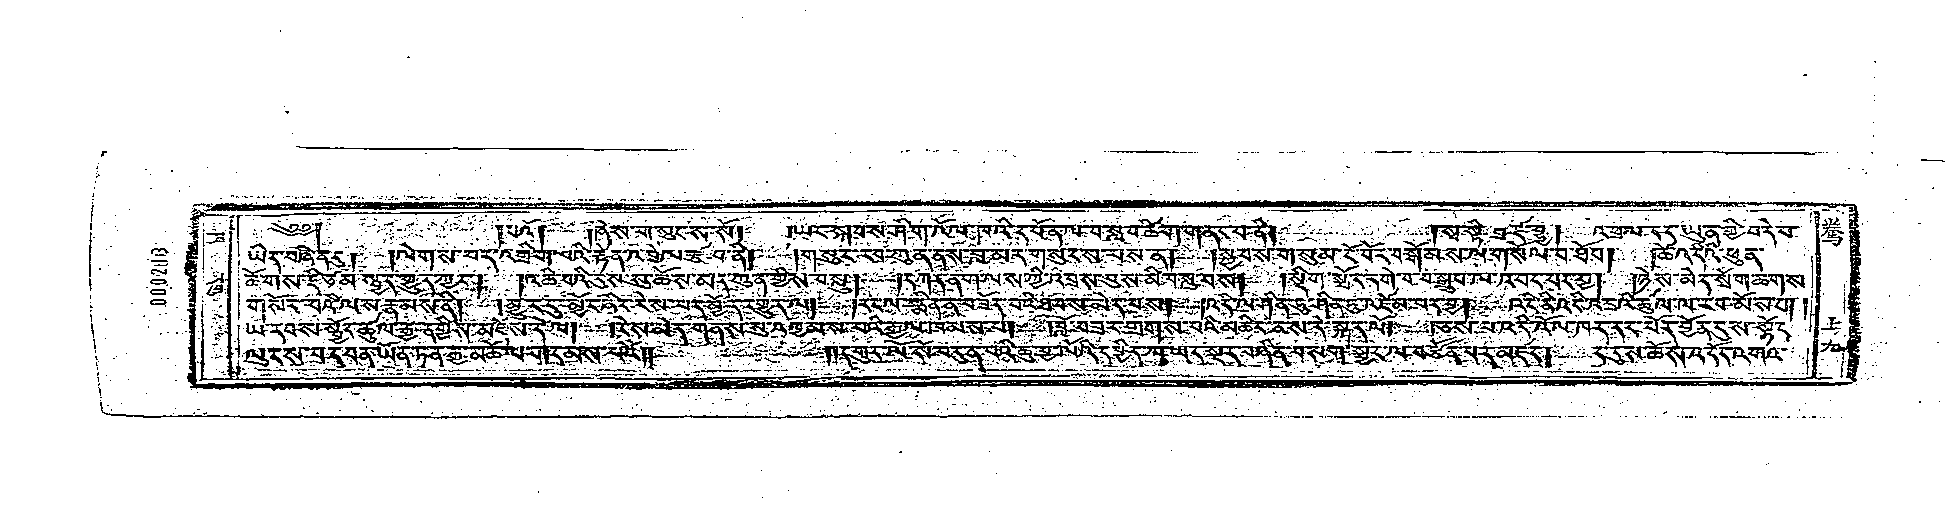༄༅། །པའོ། །ཞེས་གསུངས་སོ། །ཡང་སྐབས་ཤིག་འོལ་ཁའི་དཔོན་ལ་བསླབ་ཚིག་གནང་བ་ནི། །སྭ་སྟི་པྲ་ཛ་བྷྱ། འཕྲལ་དང་ཡུན་གྱི་བདེ་བ་
ཡིད་བཞིན་དུ། །ལེགས་པར་འགྲིག་པའི་རྟེན་འབྲེལ་རྩ་བ་ནི། །གསུང་རབ་ཀུན་ནས་བླ་མར་གསུངས་པས་ན། །སྐྱབས་གསུམ་ངོ་བོར་བསྒོམས་ལ་གསོལ་བ་ཐོབ། །ཚེ་འདིའི་ཕུན་
ཚོགས་ཇི་ཙམ་སྤྱད་གྱུར་ཀྱང་། །འཆི་བའི་དུས་སུ་ཆོས་མད་ཀུན་གྱིས་བསླུ། །དཀར་ནག་ལས་ཀྱི་འབྲས་བུས་མི་བསླུ་བས། །སྡིག་སྤོང་དགེ་བ་བསྒྲུབ་ལ་འབད་པར་བྱ། །ཉེས་མེད་སྲོག་ཆགས་
གསོད་བའི་ལས་རྣམས་ནི། །མྱུང་དུ་མྱོང་ཞིང་དེས་པར་མྱོར་འགྱུར་ལ། །རང་ལ་སྨིན་ན་བཟོད་བའི་ཐབས་མེད་པས། །འདི་ལ་ཤིན་ཏུ་ཤིན་ཏུ་འཛེམ་པར་བྱ། འདི་ནི་འདི་འདྲའི་ཚུལ་ལ་རབ་མོས་པ། །
ཡ་རབས་སྤྱོད་ཚུལ་རྒྱ་ན་གྱིས་མཛེས་དེ་ལ། །ངེས་མེད་གནས་སུ་འཁྱམས་པའི་རྒྱལ་ཁམས་པ། །བློ་བཟང་གྲགས་པའི་མཆིང་ནས་དེ་སྐད་ལོ། །ཅེས་པ་འདི་འོལ་ཁར་དང་པོར་བྱོན་དུས་སྟོང་
ལུངས་བར་བན་ཡོན་ཏན་རྒྱ་མཚོ་ལ་གདམས་པའོ།། །།དགུང་ལོ་སོ་བདུན་པའི་ཆུ་བྱ་ལོའི་དཔྱིད་ཀ་ཡང་སྔར་བཞིན་བསག་སྦྱད་ལ་བརྩོན་པར་མཛད། ད་དུས་ཆོས་འདོད་འགའ་